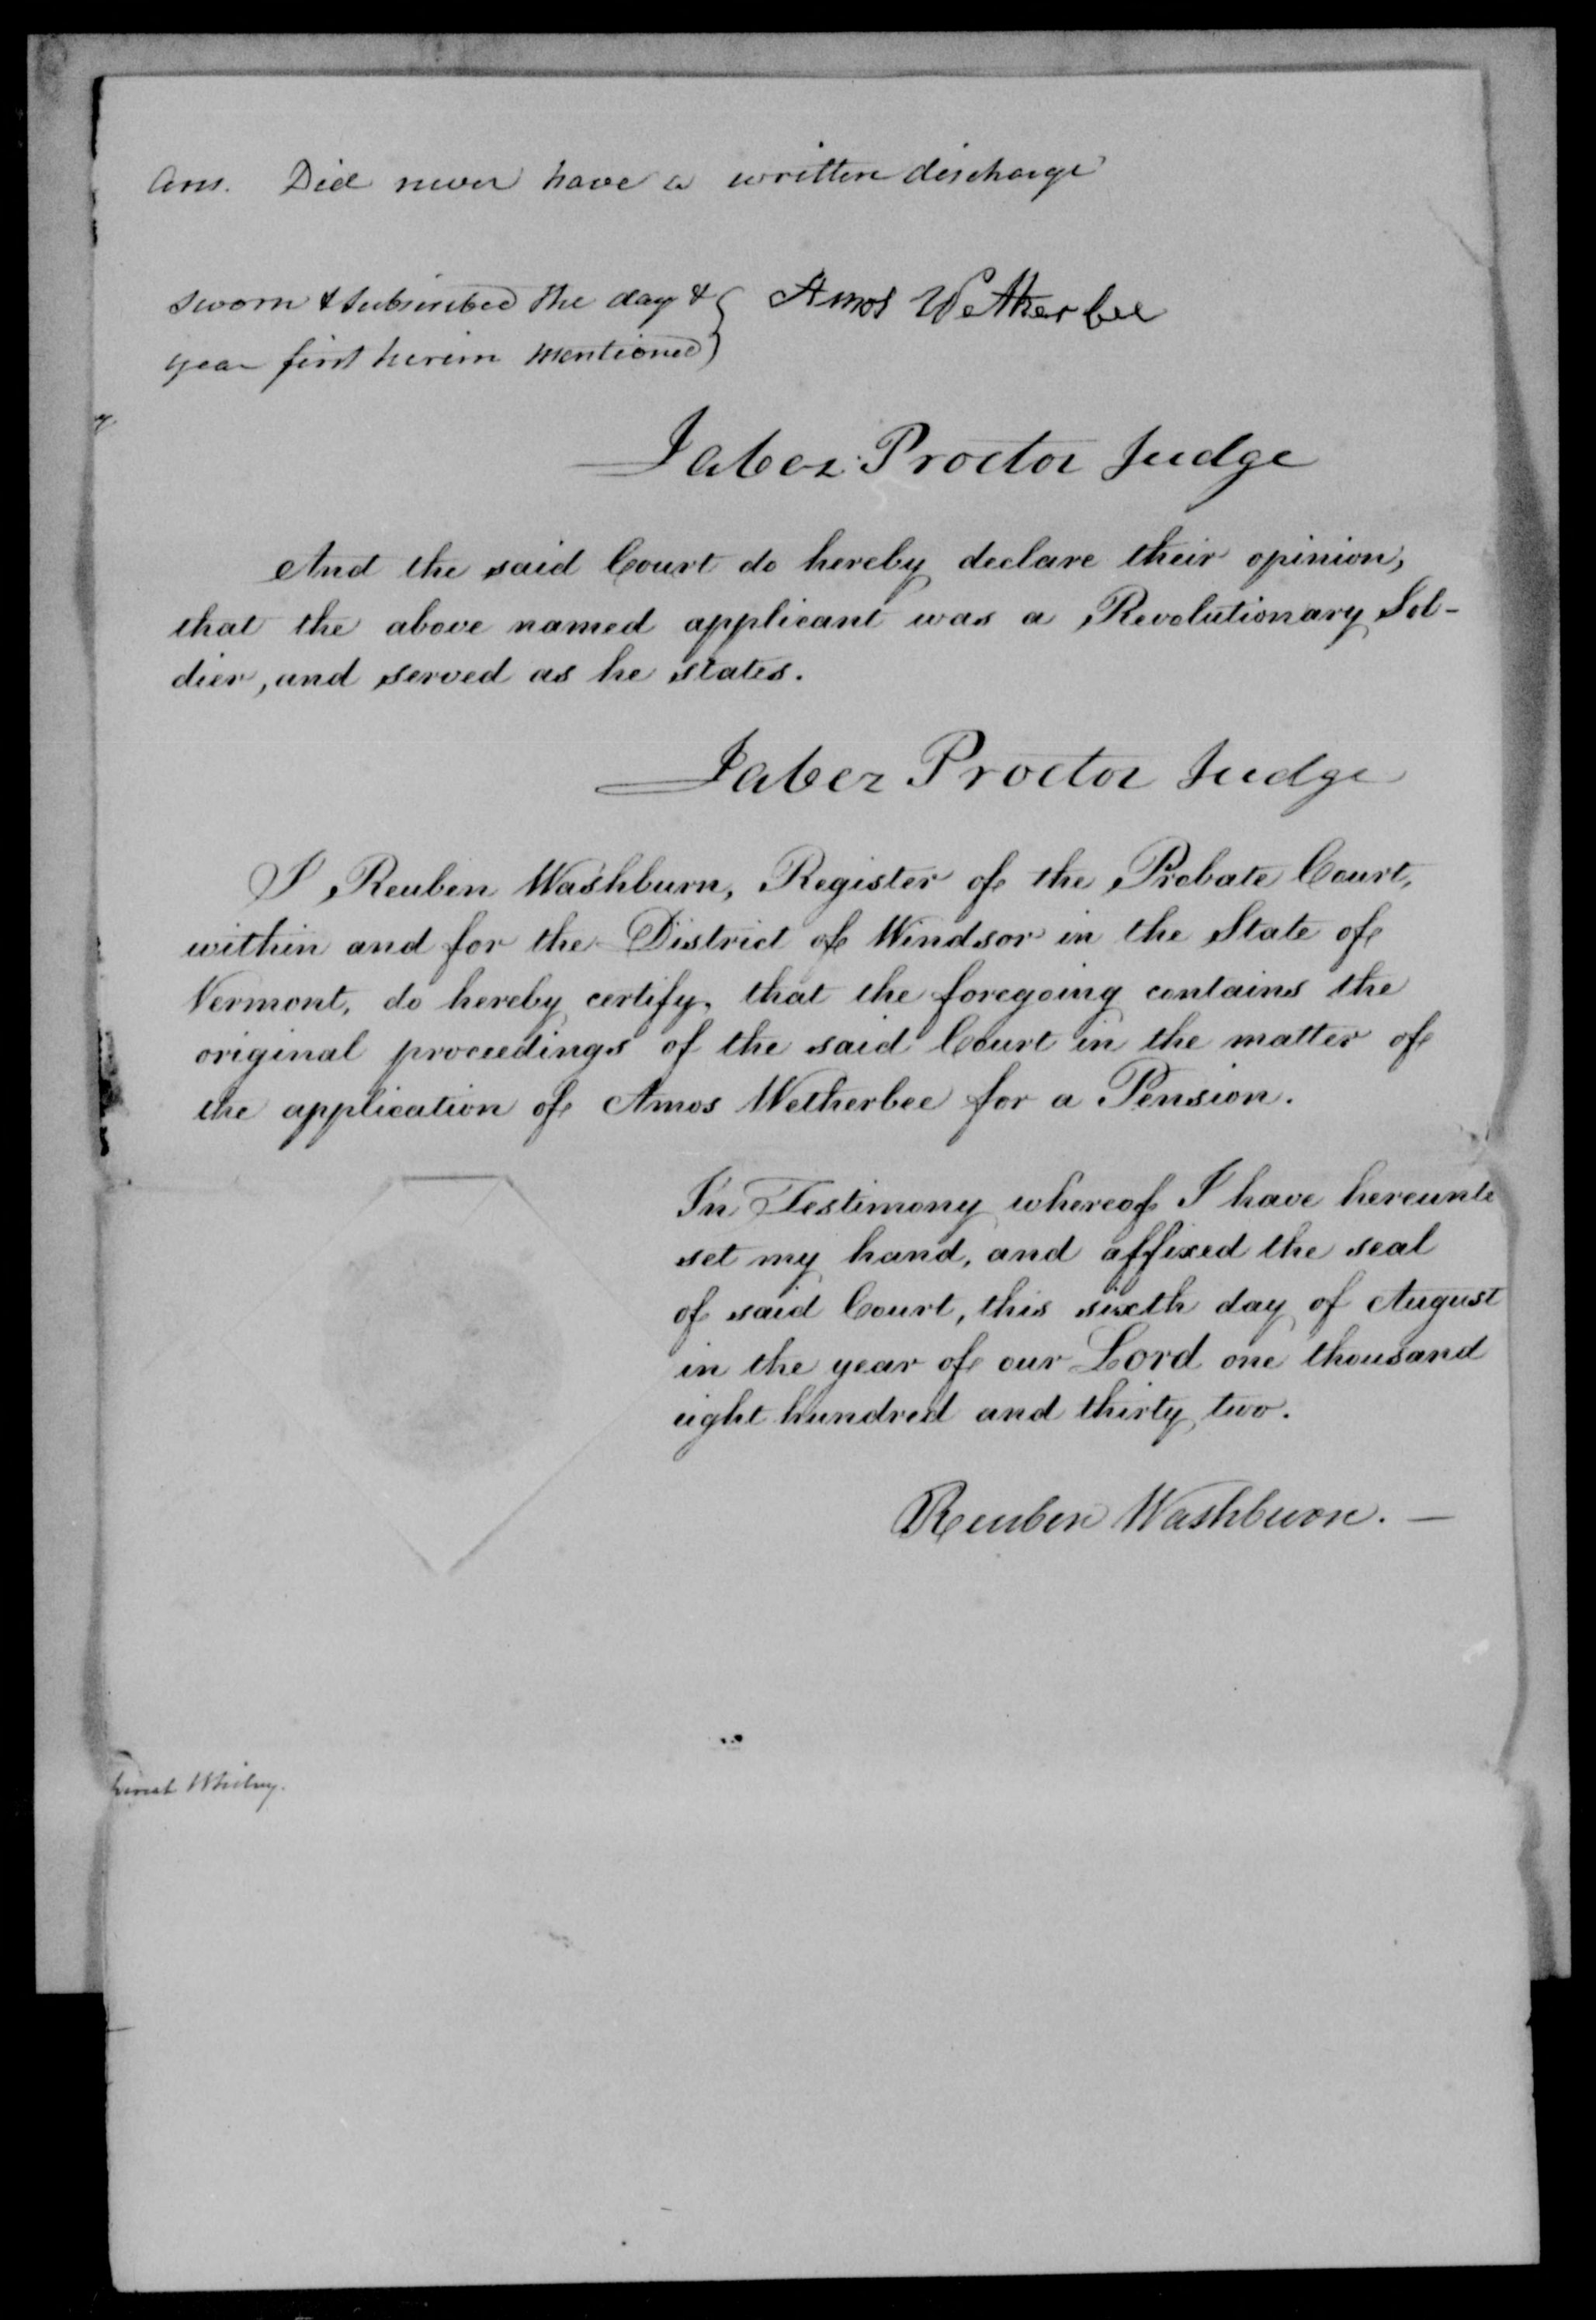Ans. Did never have a written discharge.
Amos Wetherbee

Sworn & subscribed the day & year first herein mentioned. 
Jabez Proctor Judge
And the said Court do hereby declare their opinion, that the above named applicant was a Revolutionary Soldier, and served as he states.
Jabez Proctor Judge

I, Reuben Washburn, Register of the probate Court, within and for the District of Windsor in the State of Vermont, do hereby certify that the foregoing contains the original proceedings of the said Court in the matter of the application of Amos Wetherbee for a Pension.

In Testimony whereof I have hereunto set my hand, and affixed the seal of said Court, this sixth day of August, in the year of our Lord one thousand eight hundred and thirty two.
(Seal)  Reuben Washburn.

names: Amos Wetherbee, Reuben Washburn, Zeriah Whitny, Jabez Proctor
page: 25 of 66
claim: widow's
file: W. 2468, Amos Wetherbee, Mass.